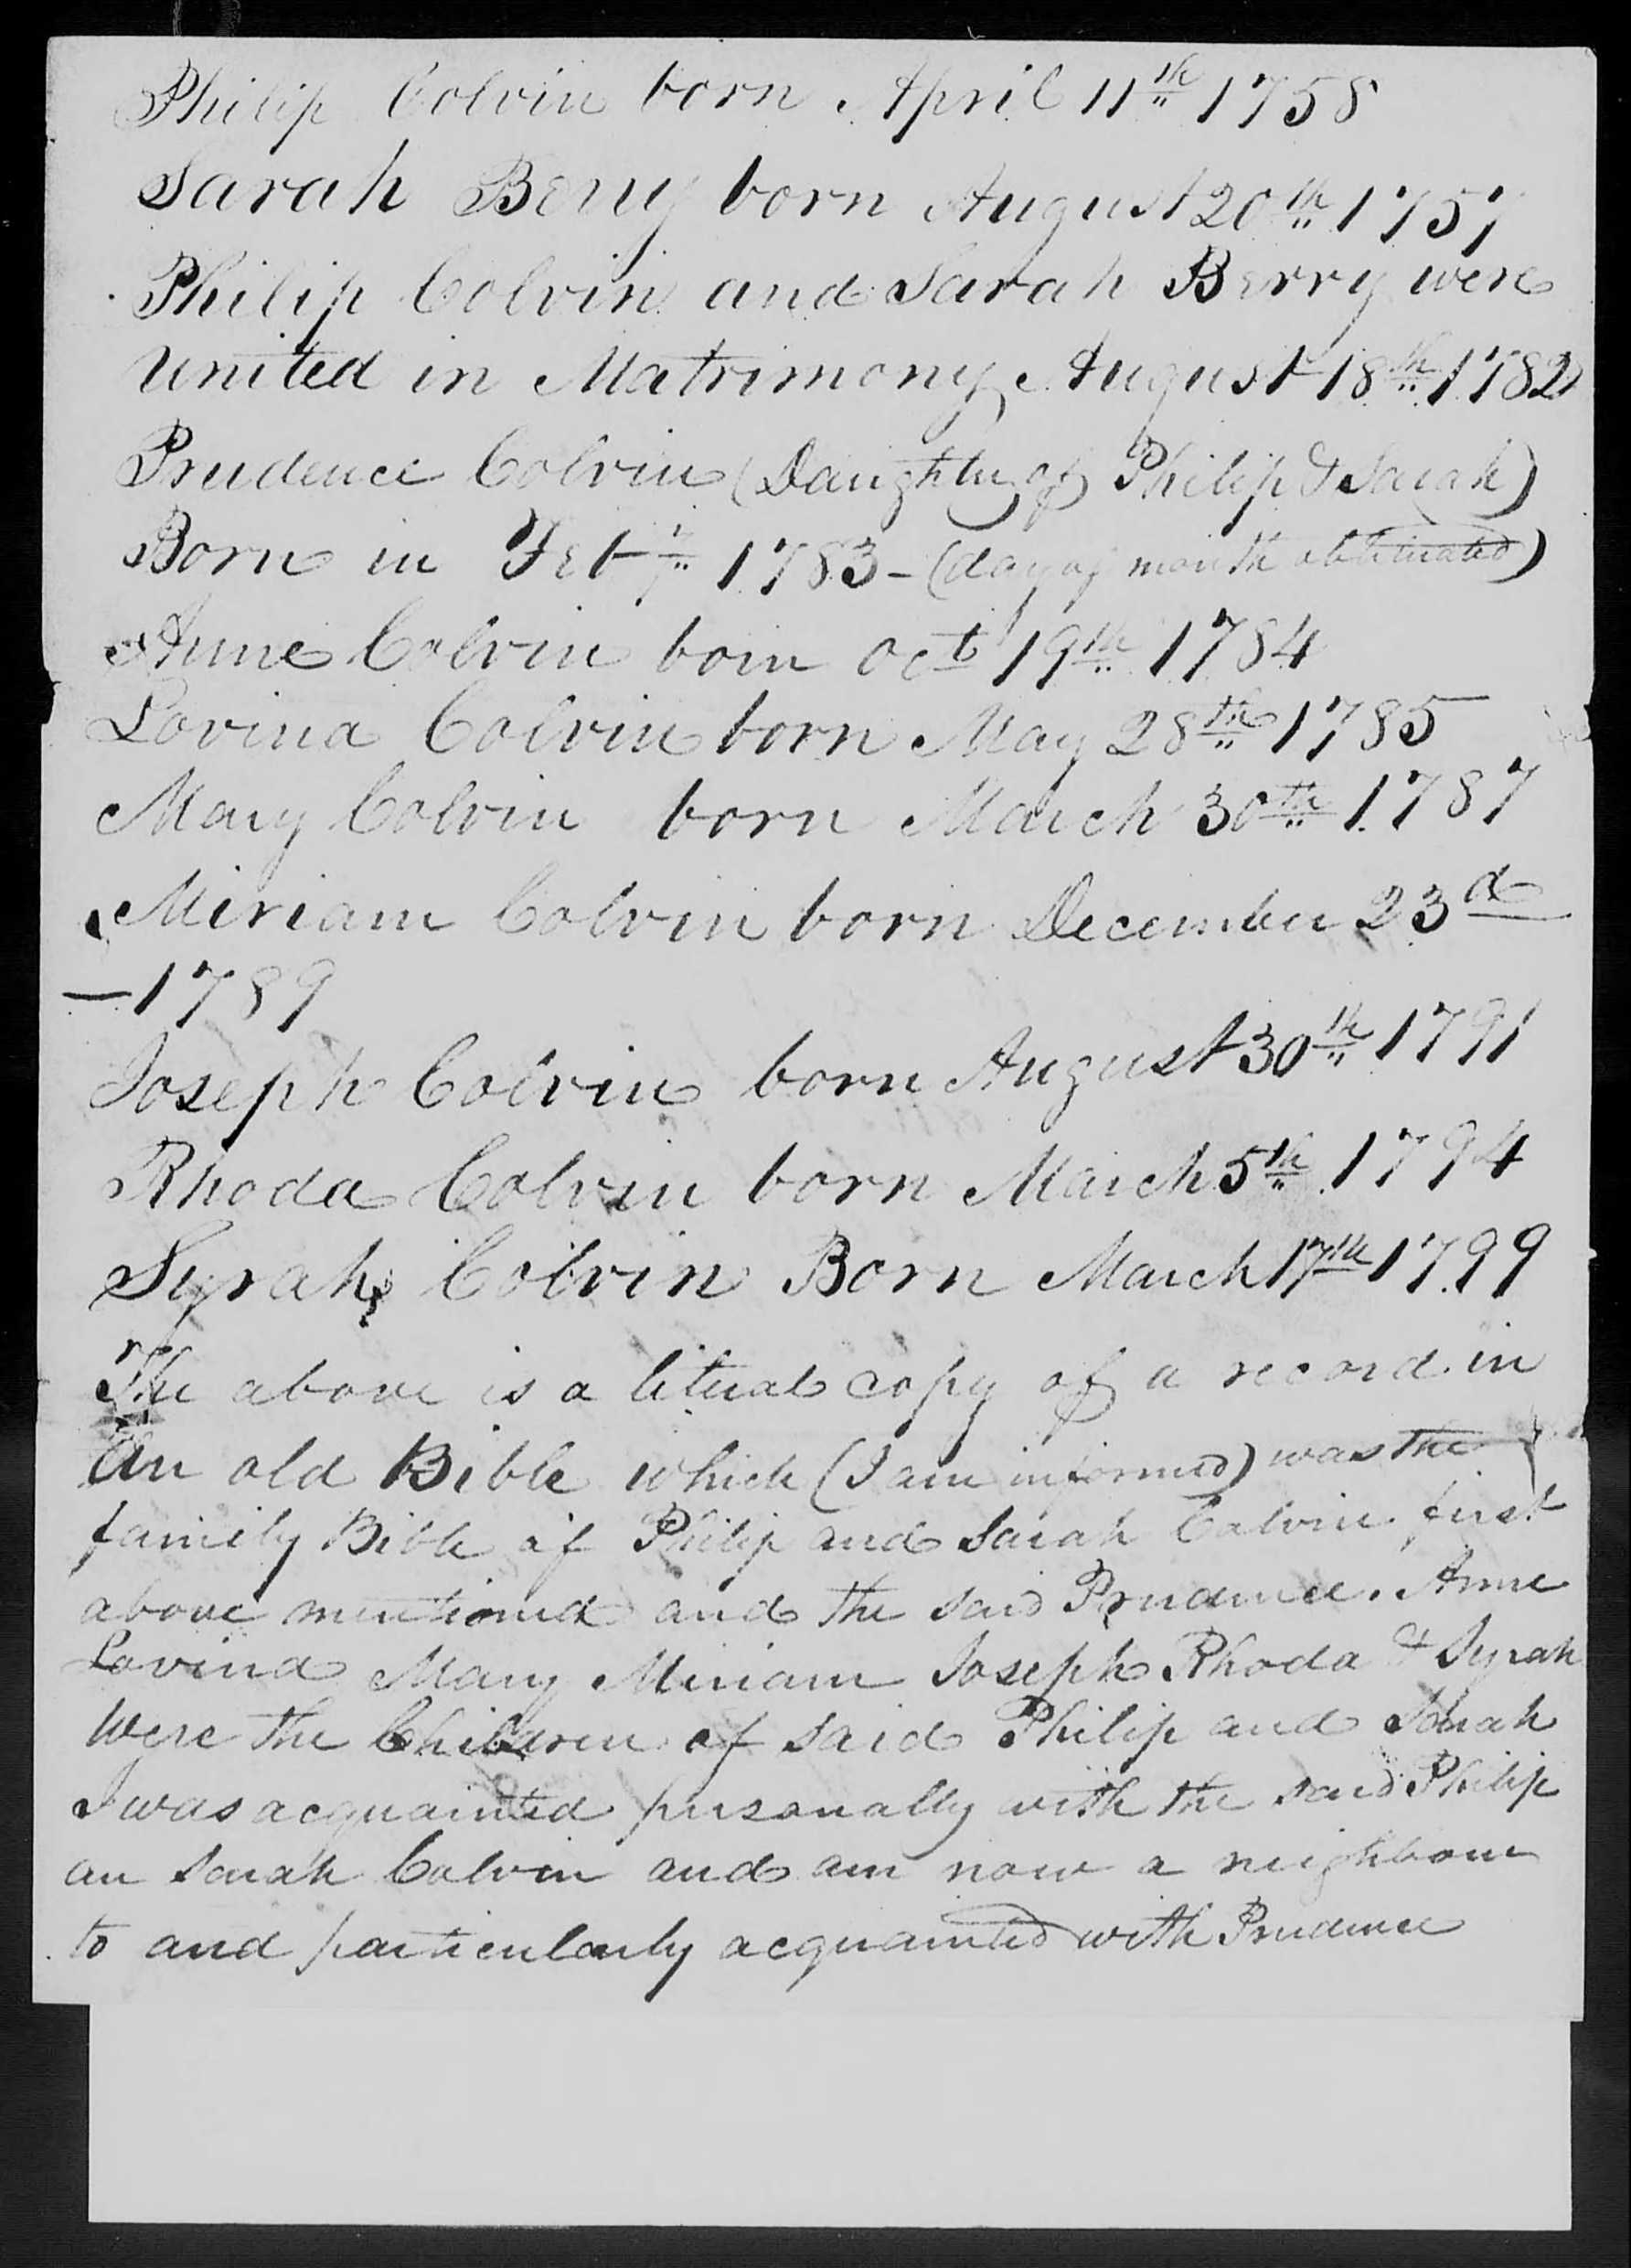Philip Colvin born April 11th 1758
Sarah Berry born August 20th 1757
Philip Colvin and Sarah Berry were united in matrimony, August 18th 1782
Prudence Colvin (daughter of Philip & Sarah) born in Feb. 7 1783 (day of  month obliterated)
Anne Colvin born Oct 19th 1784
Lovina Colvin born May 28th 1785
Mary Colvin born March 30th 1787
Miriam Colvin born December 23d 1789
Joseph Colvin born August 30th 1791
Rhoda Colvin born March 5th 1794
Sarah Colvin born March 17th 1799
The above is a literal copy of a record in an old Bible which (I am informed) was the family Bible of Philip and Sarah Colvin first above mentioned and the said Purdence Anne,Lovina Mary Miriam Joseph Rhoda & Sarah. I was acquainted personally with the said Philip and Sarah Colvin and am now a neighbour to and particularly acquainted with Prudence.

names: Miriam Colvin, Philip Colvin, Sarah Colvin, Anne, Anne Colvin, Philip, Lovina, Prudence, Rhoda Colvin, Prudence, Sarah Berry, Lovina Colvin, Miriam, Sarah, Sarah Berry, Philip Colvin, Mary, Philip Colvin, Mary Colvin, Philip Colvin, Philip, Joseph Colvin, Joseph, Syrah Colvin, Sarah, Sarah, Prudence Colvin, Rhoda, Sarah Colvin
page: 16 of 41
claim: widow's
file: W. 3513, Philip Colvin, R.I.